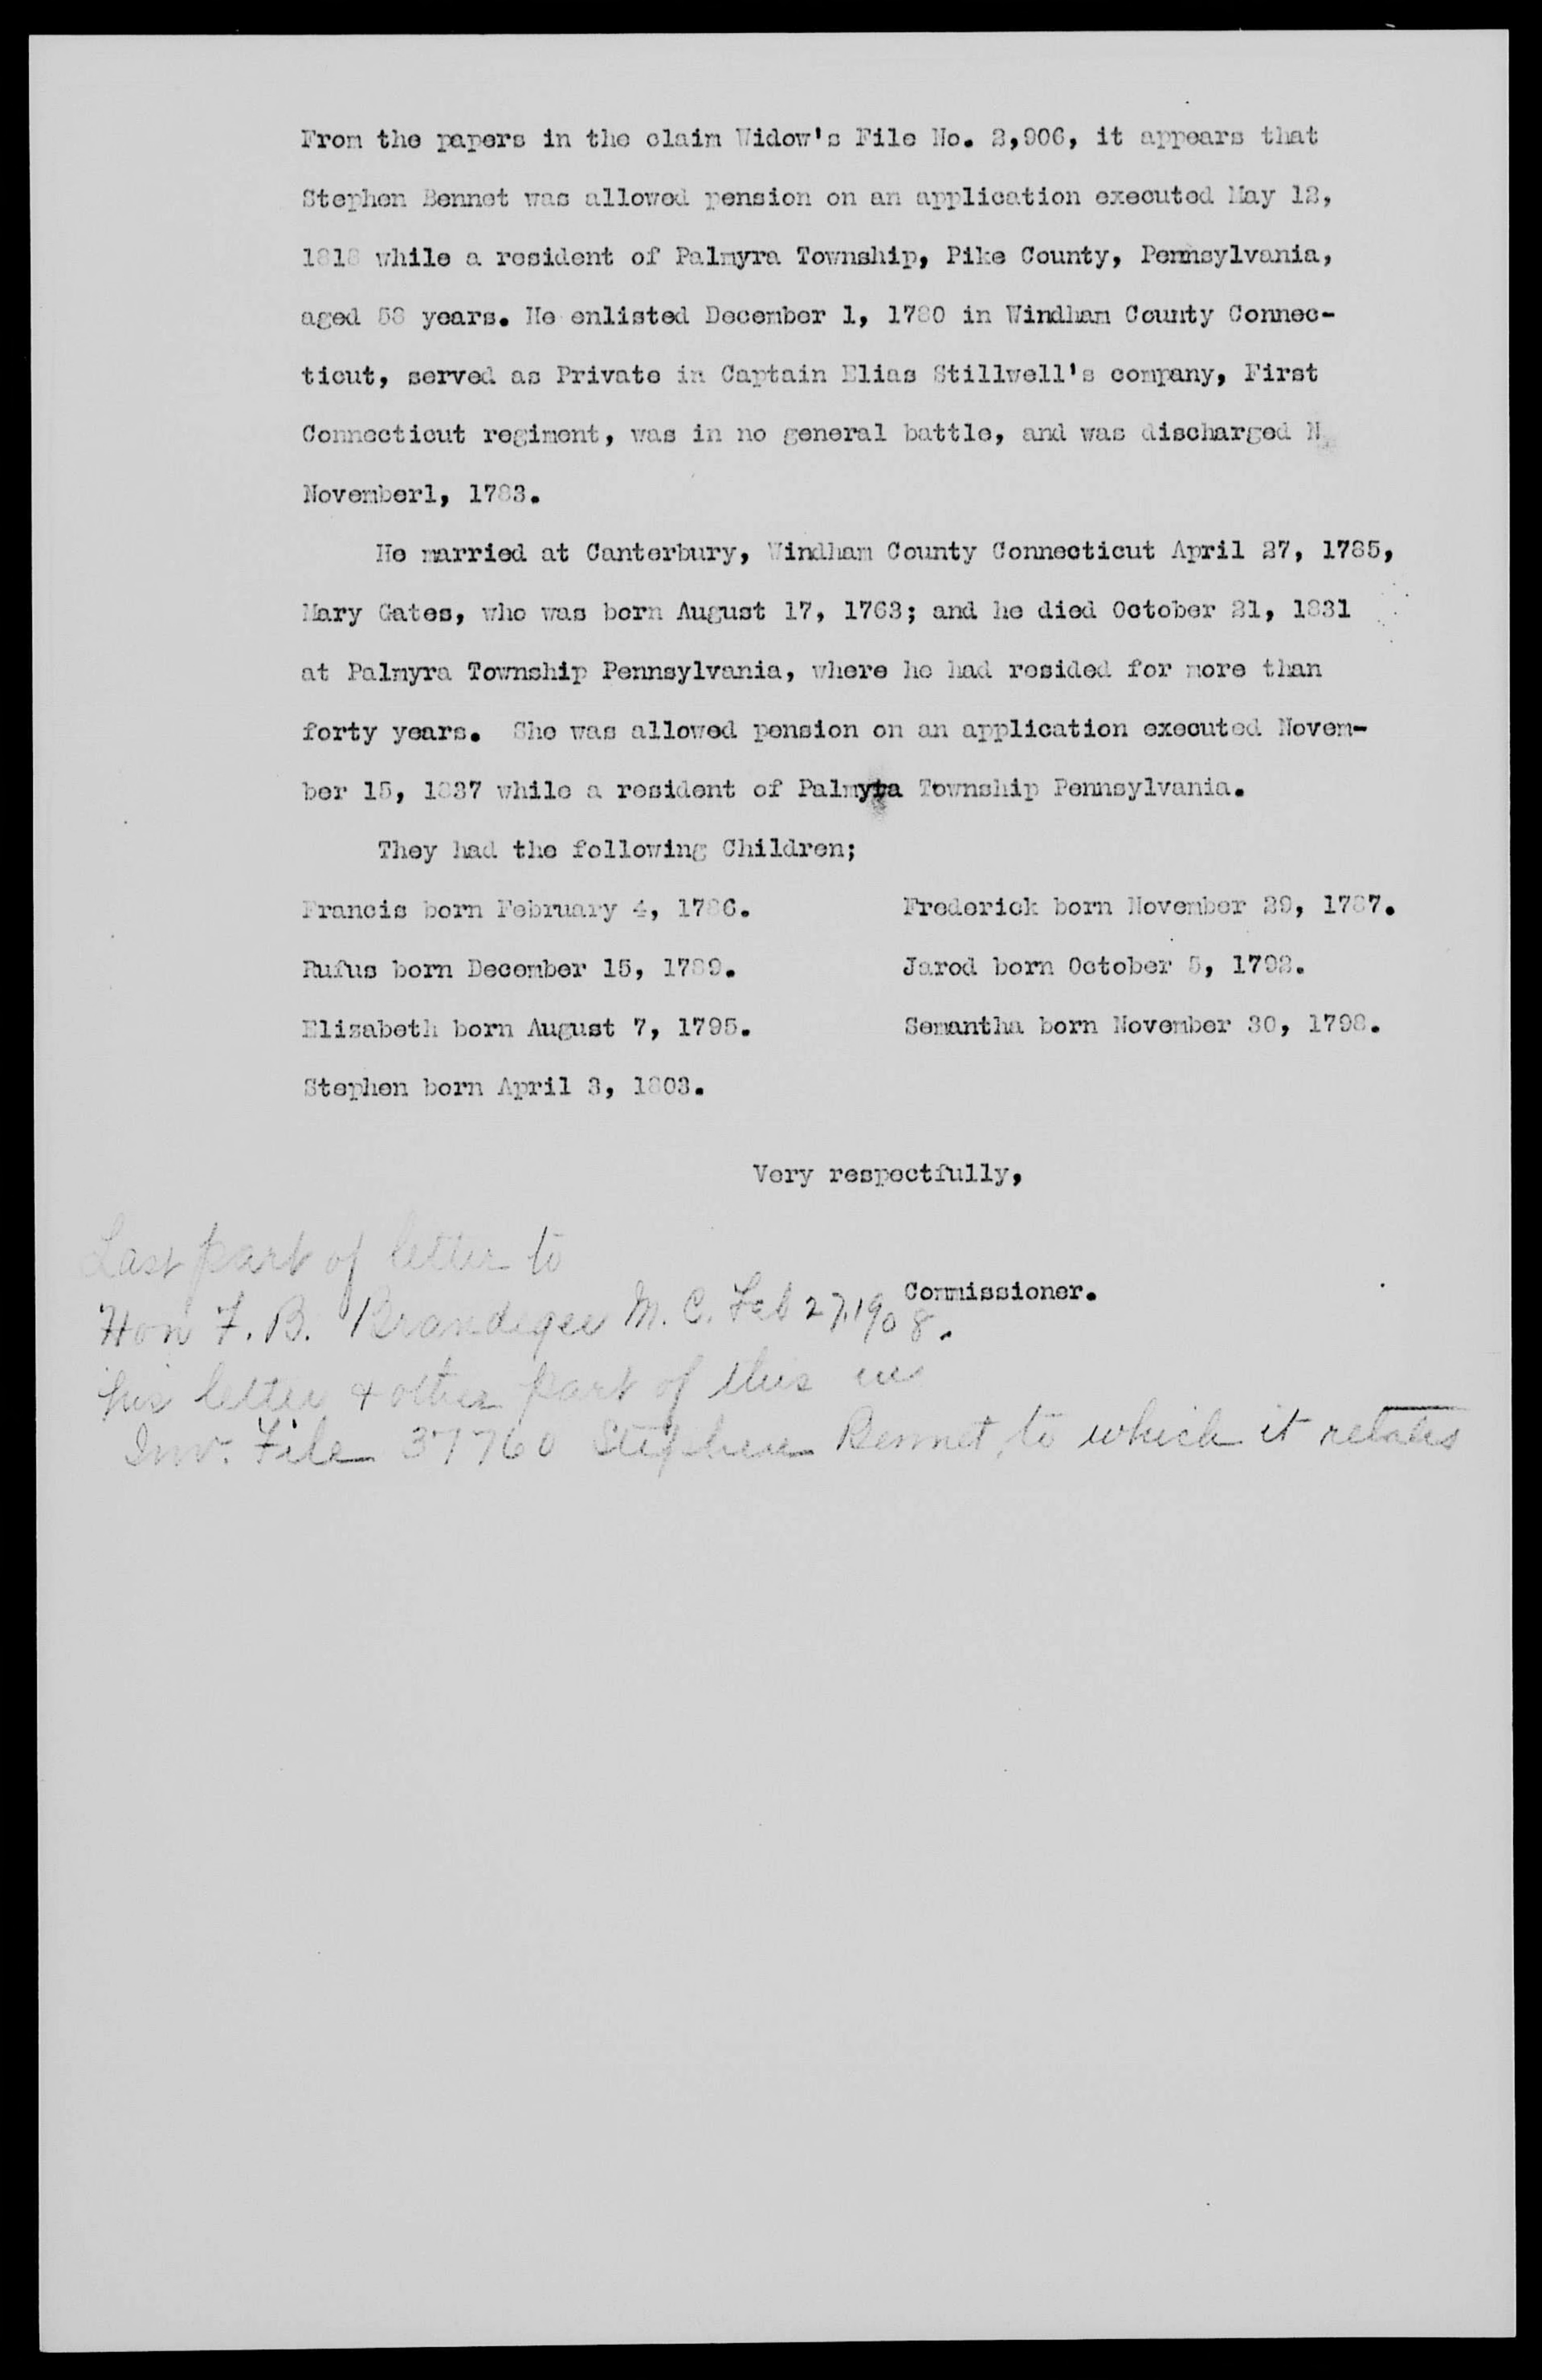From the papers in the claim Widow's File No. 2,906, it appears that Stephen Bennet was allowed pension on an application executed May 12, 1818 while a resident of Palmyra Township, Pike County, Pennsylvania, aged 58 years. He enlisted December 1, 1780 in Windham County Connecticut, served as Private in Captain Elias Stillwell's company, First Connecticut regiment, was in no general battle, and was discharged November1, 1783. He married at Canterbury, Windham County Connecticut April 27, 1785, Mary Gates, who was born August 17, 1763; and he died October 21, 1831 at Palmyra Township Pennsylvania, where he had resided for more than forty years. She was allowed pension on an application executed November 15, 1837 while a resident of Palmyra Township Pennsylvania. They had the following children; Francis born February 2, 1786. Frederick born November 29, 1787. Rufus born December 15, 1789. Jared born October 5, 1792. Elizabeth born August 7, 1795. Samantha born November 30, 1798. Stephen born April 3, 1803. Very respectfully, Commissioner. Last part of letter to Hon F. B. Brandegee M. C. Feb 27, 1908.  his letter & other part of this in Inv. File 37760 Stephen Bennet, to which it relates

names: Semantha, Jarod, Rufus, Francis, Stephen Bennet, Elizabeth, Stephen, Stephen Bennet, Frederick, F B Brandegee, Mary Gates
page: 76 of 79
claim: widow's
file: W. 2,906, Stephen Bennet, Conn.